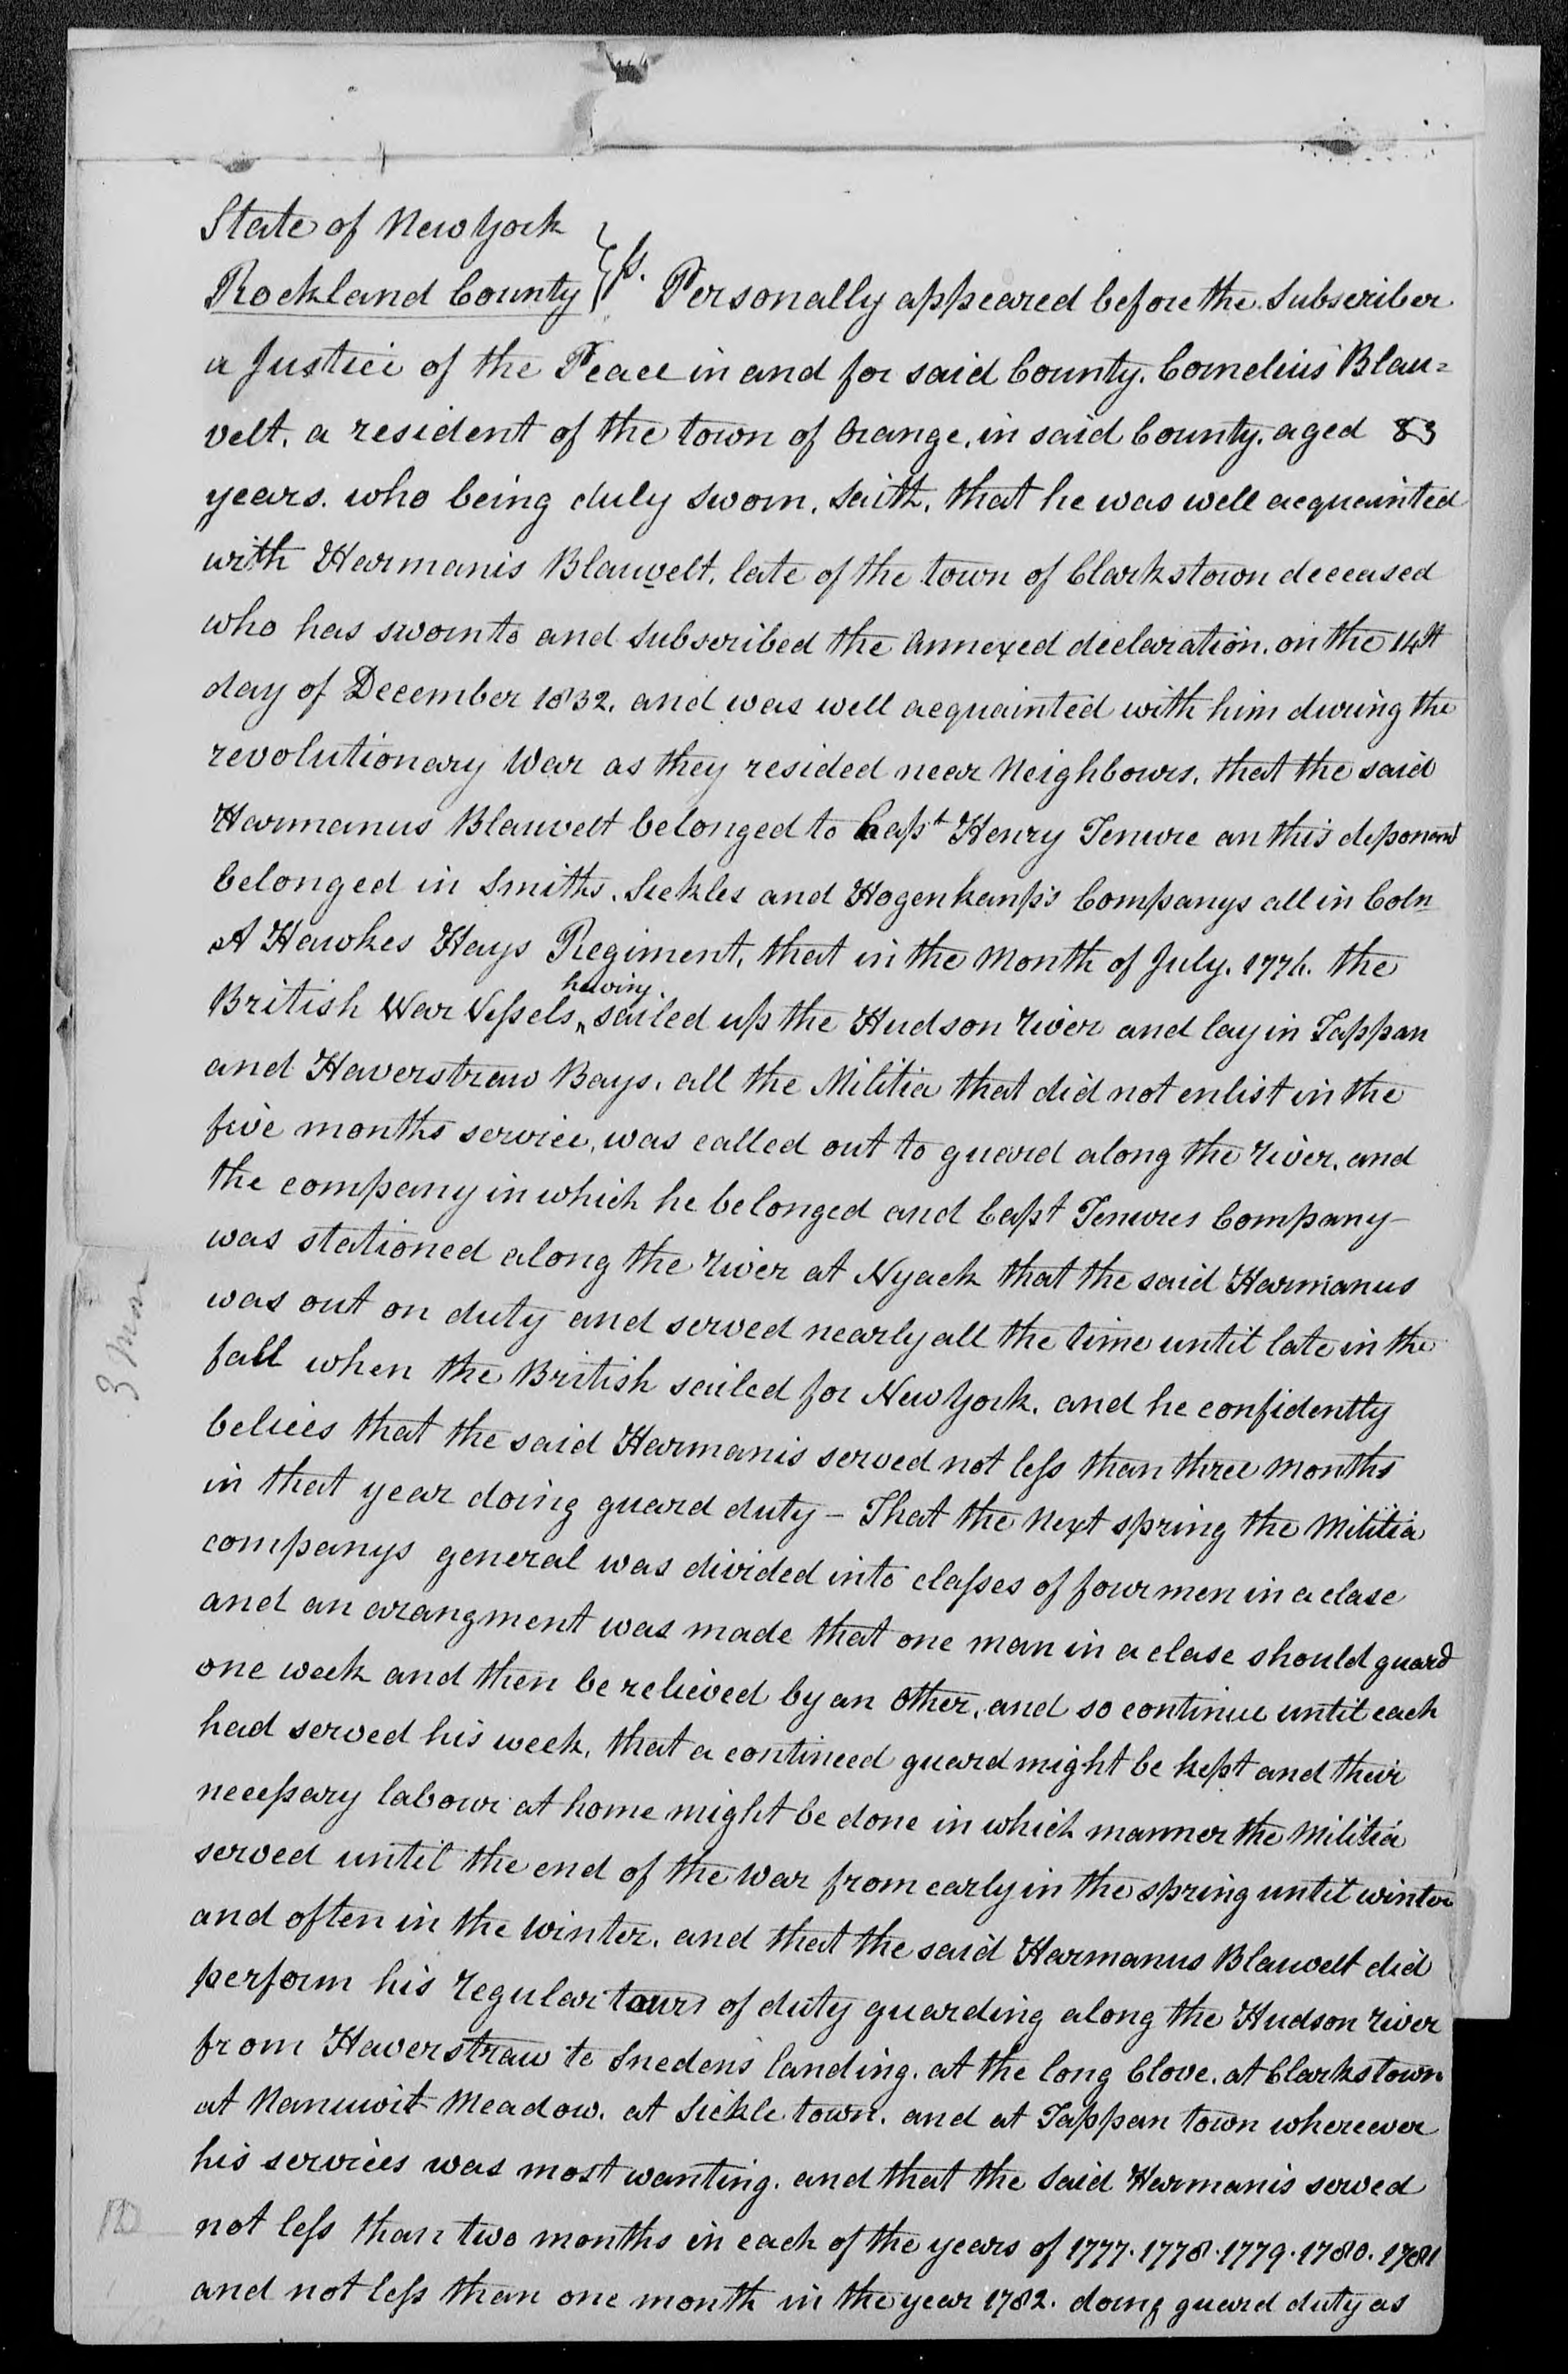State of New York
Rockland County Ss
Personally appeared before me the subscriber a Justice of the Peace in and for said County, Cornelius Blauvelt, a resident of the town of Orange, in said County, aged 83 years, who being duly sworn saith. that he was well acquainted with Hermanis Blauvelt, late of the town of Clarkstown deceased who has sworn to and subscribed the annexed declaration, on the 14th day of December 1832, and was well acquainted with him during the revolutionary war as they resided near neighbours, that the said Harmanus Blauvelt belonged to Capt. Henry Tenure an this deponent belonged in Smiths Sickles and Hogenkamp's Companys all in Coln A Hawkes Hays Regiment, that in the month of July, 1776, the British War Vessels having sailed up the Hudson river and lay in Tappan and Haverstraw Bays, all the Militia that did not enlist in the five months service, was called out to guard along the river, and the company in which he belonged and Capt Tenures Company was stationed along the river at Nyack that the said Harmanus was out on duty and served nearly all the time until late in the fall when the British sailed for New York. and he confidently believes that the said Harmanis served not less than three months in that year doing guard duty. That the next spring the militia companys general was divided into classes of four men in a class and an arrangement was made that one man in a class should guard one week and then be relieved by an other, and so continue until each had served his week, that a continued guard might be kept and their necessary labour at home might be done in which manner the Militia served until the end of the war from early in the spring until winter and often in the winter, and that the said Harmanus Blauvelt did perform his regular tours of duty guarding along the Hudson river from Haverstraw to Sneden's landing, at the long Clove, at Clarkstown, at Nanuwit Meadow, at Sickle town, and Tappan town wherever his services was most wanting, and that the said Harmanis served not less than two months in each of the years of 1777, 1778, 1779, 1780, 1781 and not less than one month in the year 1782, doing guard duty as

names: Harmanus Blauvelt, Cornelius Blauvelt, Harmanis, Harmanus, Harmanus Blauvelt, Harmanis, Henry Tenure, Harmanis Blauvelt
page: 29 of 33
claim: survivor's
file: S. 22,653, Harmanus Blauvelt, New York